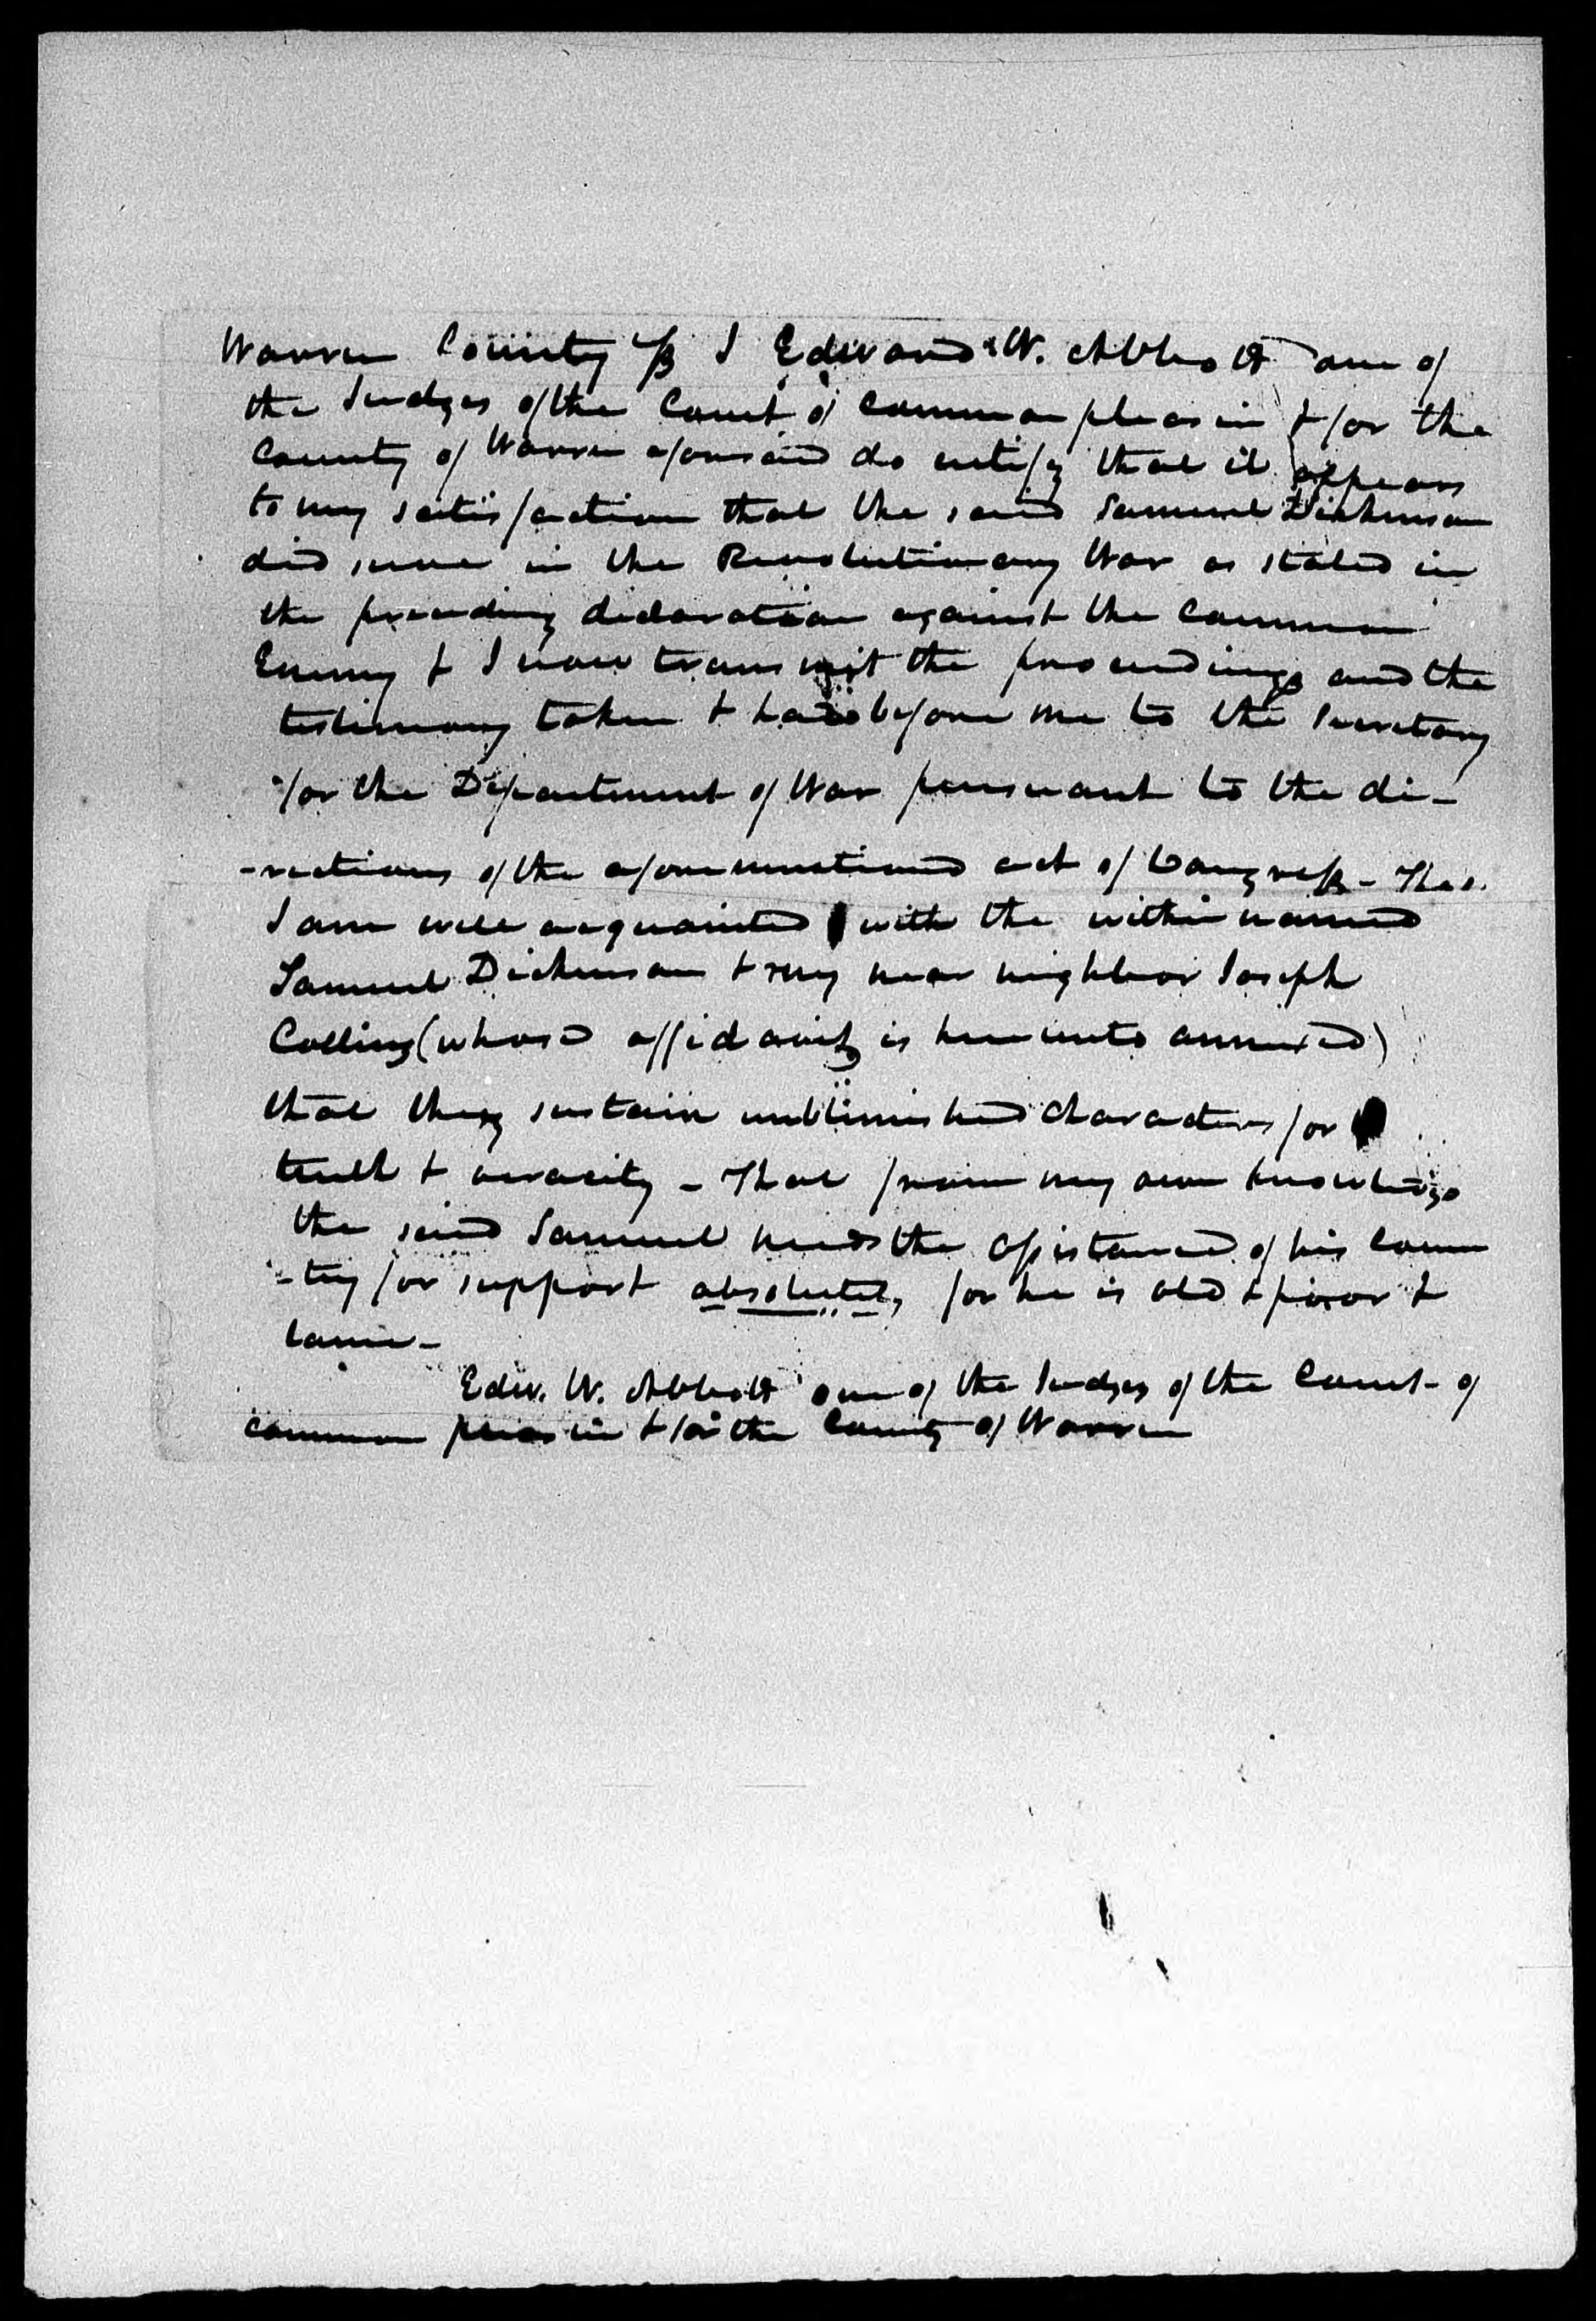Warren County /ss J Edward and W. Abbott are of the judges of the Court of Common Pleas in and for the County of Warren [illegible] do certify that it appears to my satisfaction that the said Samuel Dickenson did serve in the Revolutionary War as stated in the preceding declaration against the common enemy and now transmit the proceedings and the testimony taken and had before me to the Secretary for the Department of War pursuant to the directions of the aforementioned at of Congress -that I am well acquainted with the within named Samuel Dickenson and my near neighbor Joseph Collins (whose affidavit is hereunto annexed) that they sustain creditible character for truth and veracity - that [illegible] my own knowledge the said Samuel needs the [illegible] of his [illegible] for support absolutely for he is old and poor and lame.
Edw. W. Abbott one of the Judges of the Court of Common Pease in and for the County of Warren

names: Joseph Collins, Samuel, Edw W Abbott, Samuel Dickinson, Edward W Abbott, Samuel Dickinson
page: 30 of 60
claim: widow's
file: W 16,955, Samuel Dickinson, Conn.